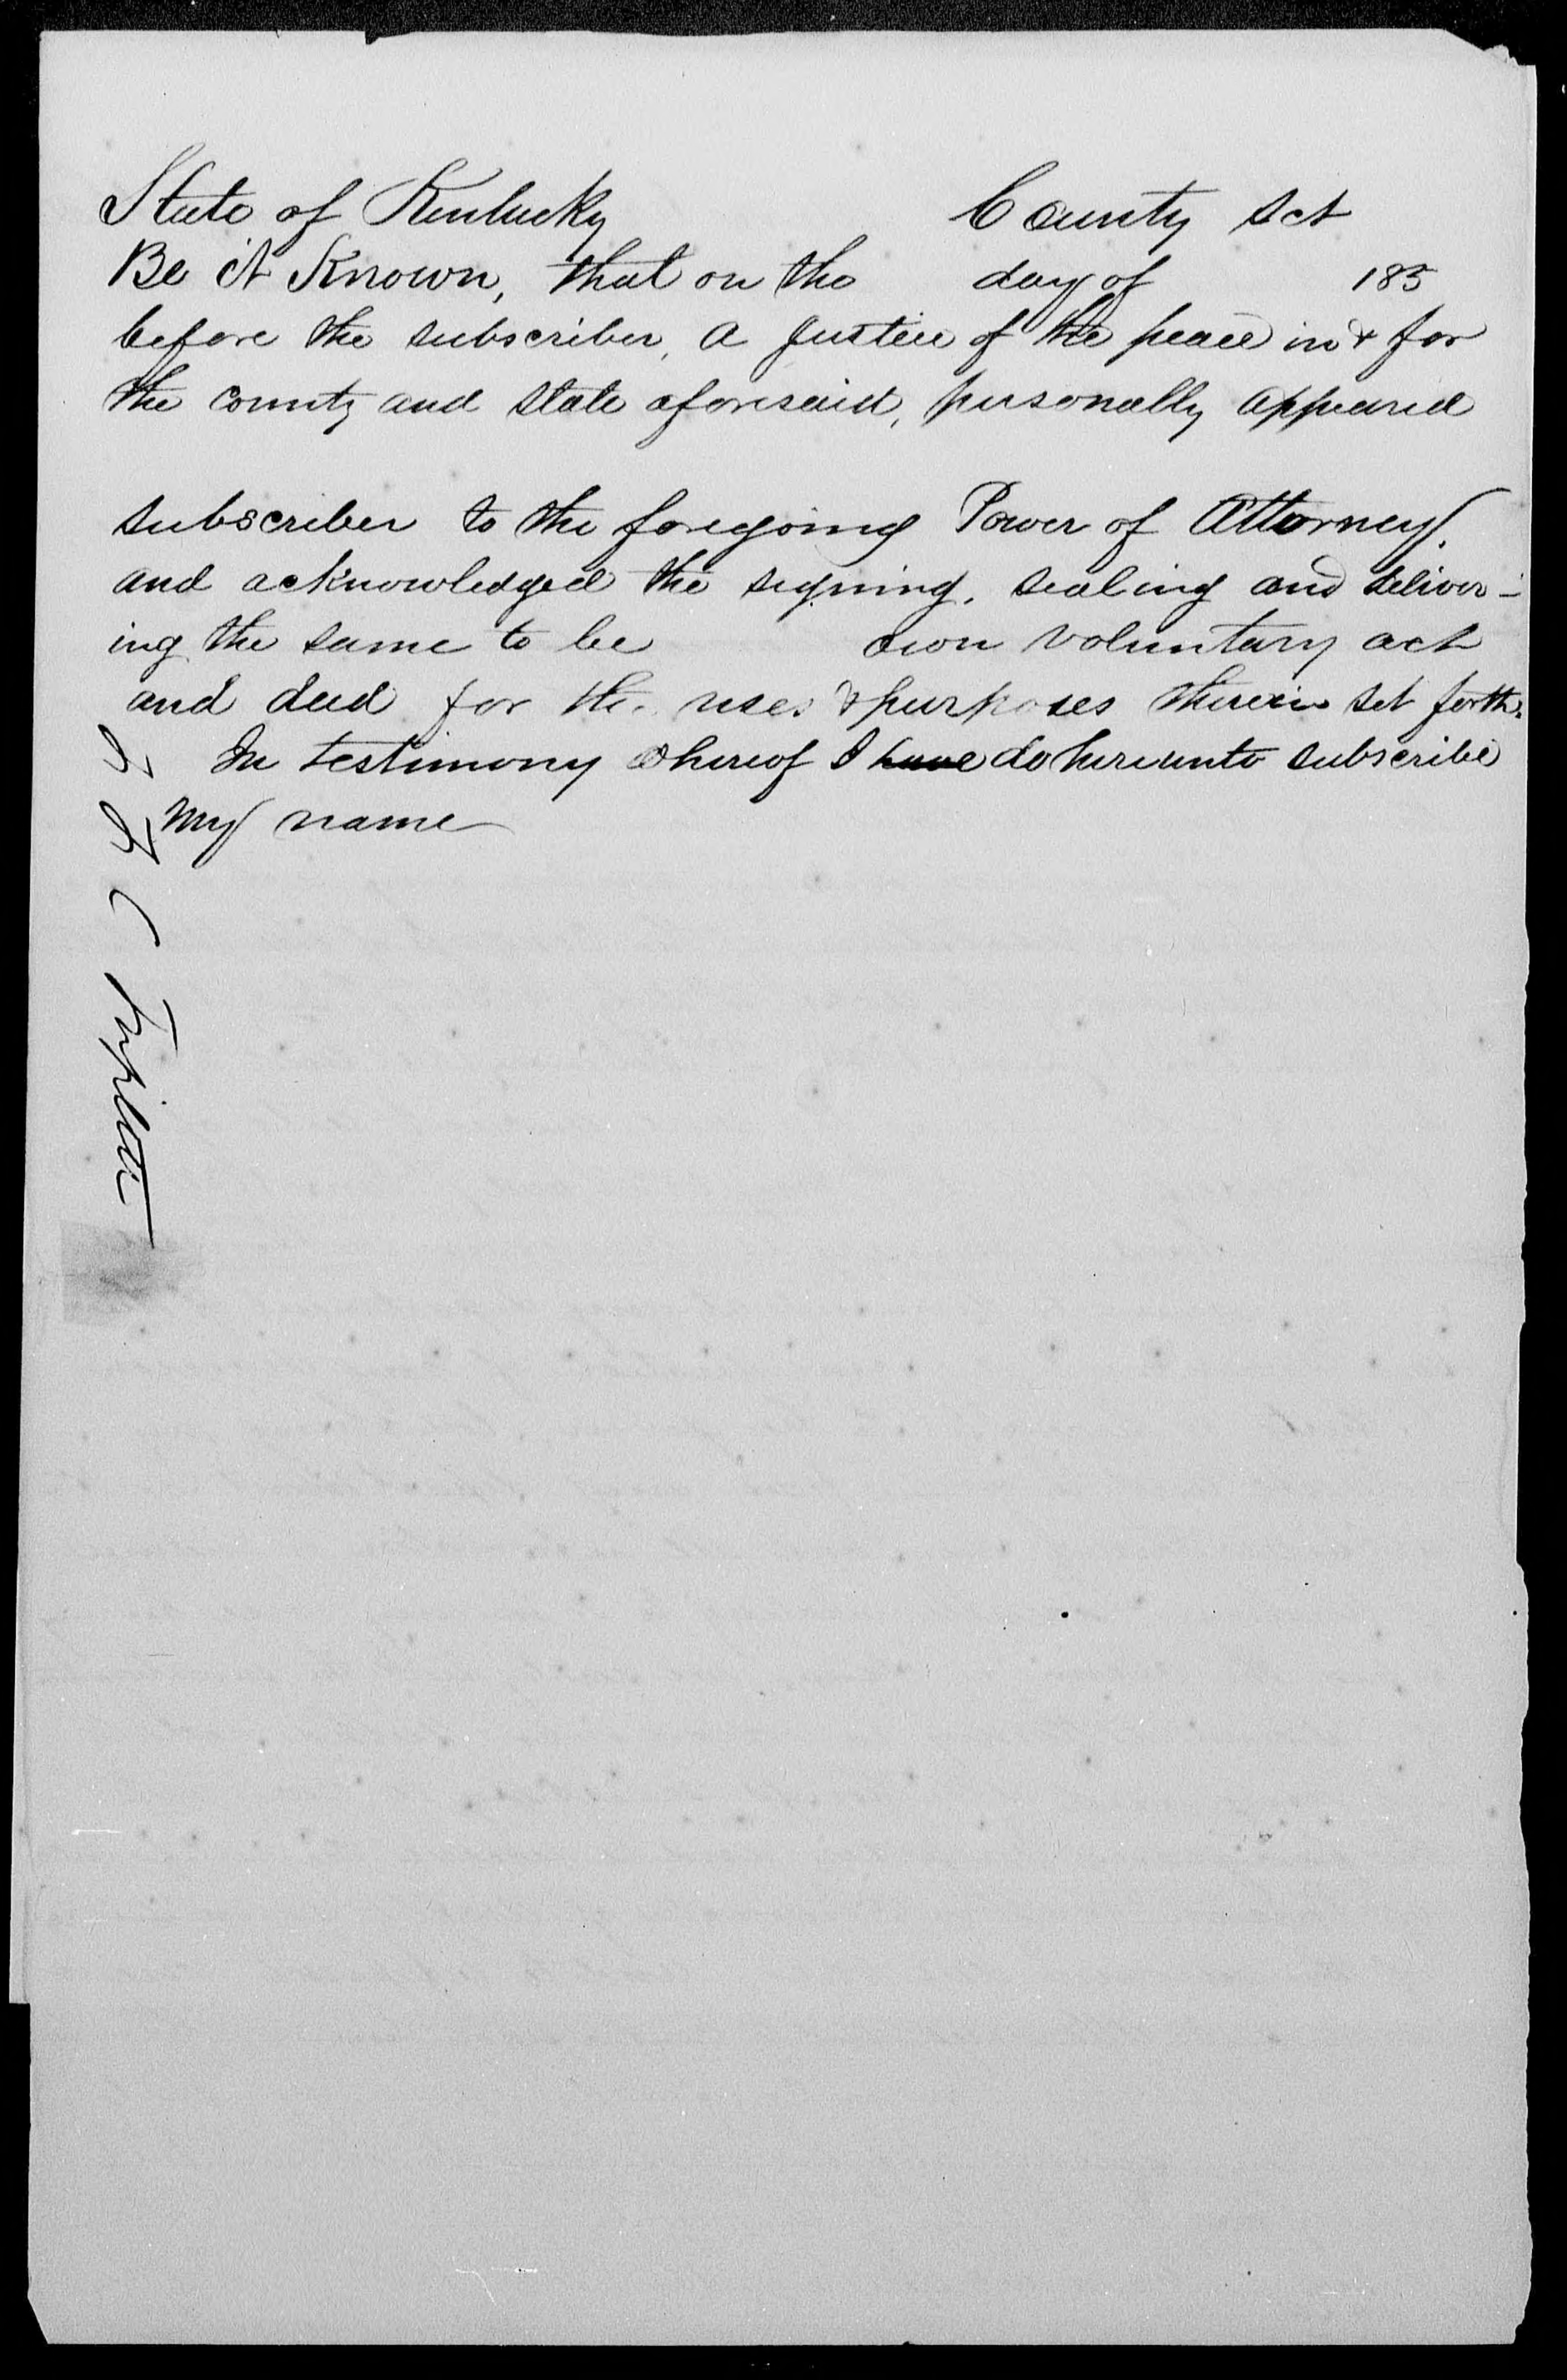State of Kentucky
County Act
Be if known, that on this day of 185 before the subscriber, a justice of the peace in and for the county and state aforesaid personally appeared.
Subscriber to the foregoing Power of Attorney and acknowledged the signing, sealing and delivering the same to be own voluntary act and deed for the necs. purposes herein set forth in testimony whereof I have do hereunto subscribe my name.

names: L L C Tiplett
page: 5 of 65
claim: widow's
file: W. 8384, Arabia Brown, Va.